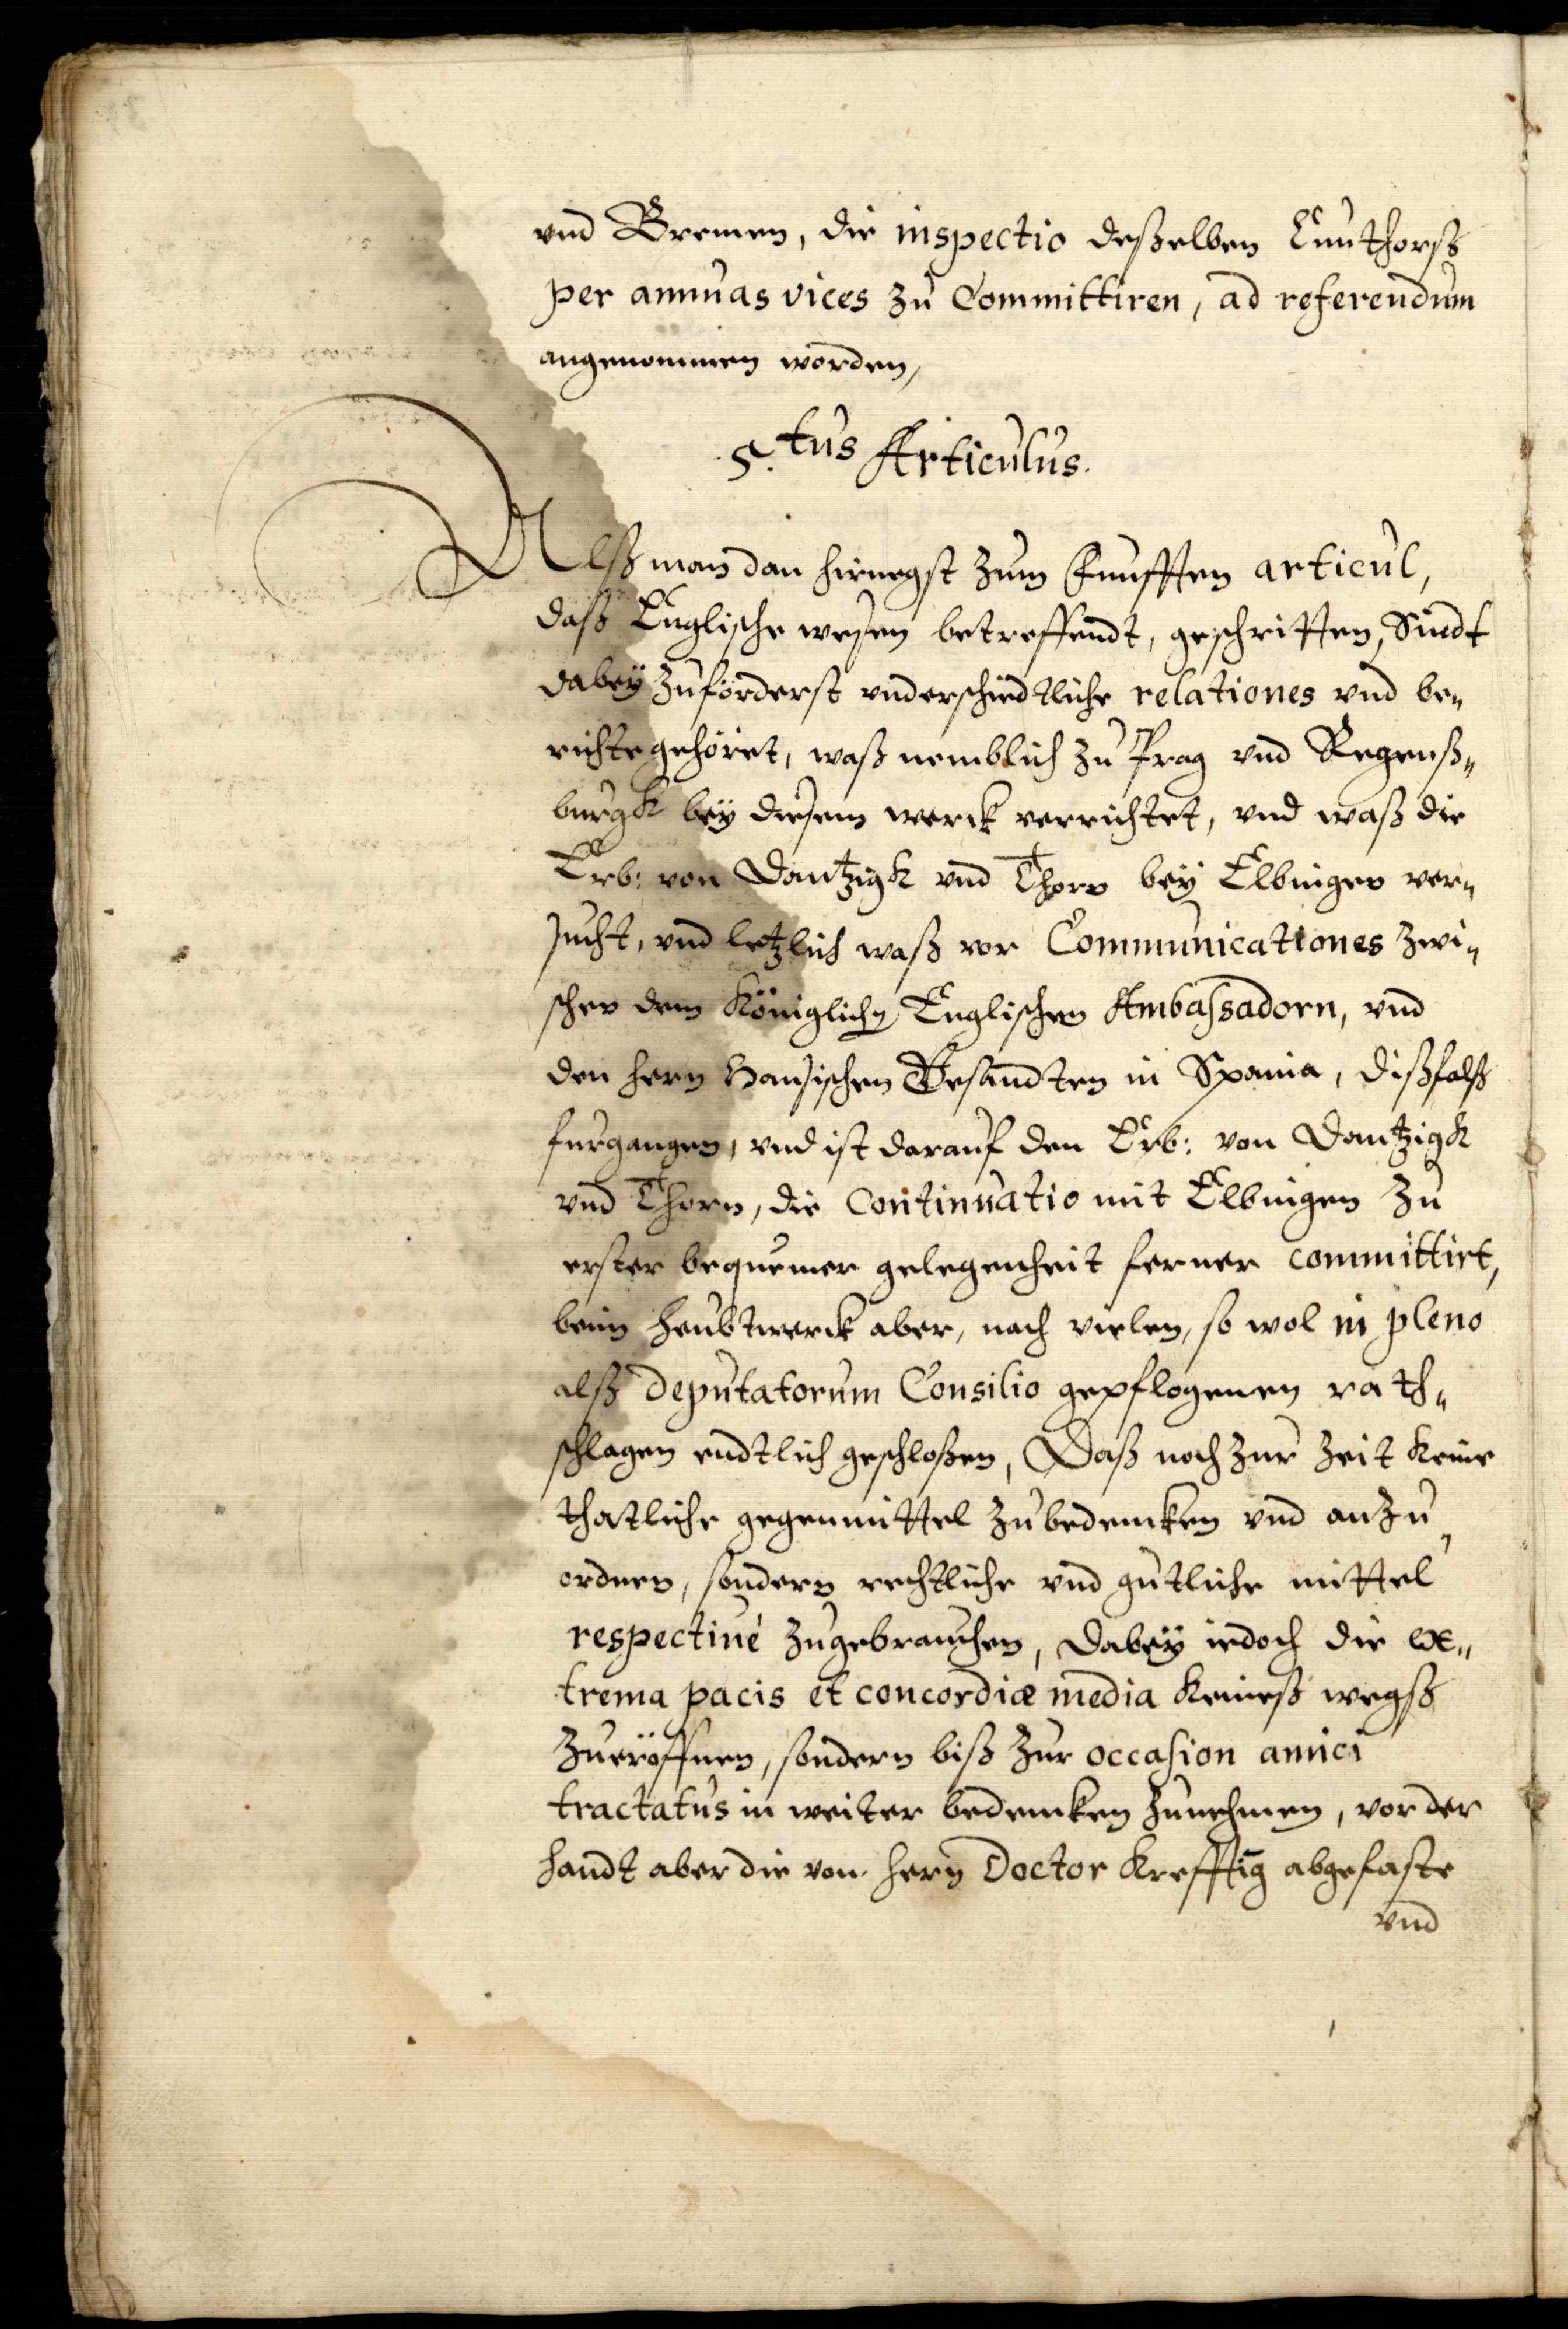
vnd Bremen, die inspectio derselben Cunthorß
per annuas vices zu committiren, ad referendum
angenommen worden,
5.tus Articulus.
Alß man hirnegst zum Funfftsen articul,
daß Englische wesen betreffendt, geschritten, Sindt
dabeij zuförderst vnderschiedtliche relationes vnd be¬
richte gehöret, waß nemblich zu Prag vnd Regenß¬
burgk beij diesem werck verrichtet, vnd waß die
Erb: von Dantzigk vnd Thorn bei Elbingen ver¬
sucht, vnd letzlich waß vor Communicationes zwi¬
schen dem königlichen Englischen Ambassadorn, vnd
den hern Hansischen Gesandten in Spania, dißfalß
furgangen, vnd ist darauf den Erb: von Dantzigk
vnd Thorn,die continuatio mit Elbingen zu
erster bequemer gelegenheit ferner committirt,
beim heubtwerck aber, nach wilen, so wol in plena
alß deputatorum Consilio gepflogenen rath¬
schlagen endtlich geschloßen, Daß noch zur zeit keine
thatliche gegenmittel zu bedencken vnd anzu¬
ordnen, sondern rechtliche und gutliche mittel
respectine zu gebrauchen, dabeij iedoch die ex¬
trema pacis et concordiae media keineß wegß
zueröffnen, sondern biß zur occasion amici
tractatus in weiterbedenckung zunehmen, vor der
handt abe die von hern Doctor krefftig abgefaste
vnd
